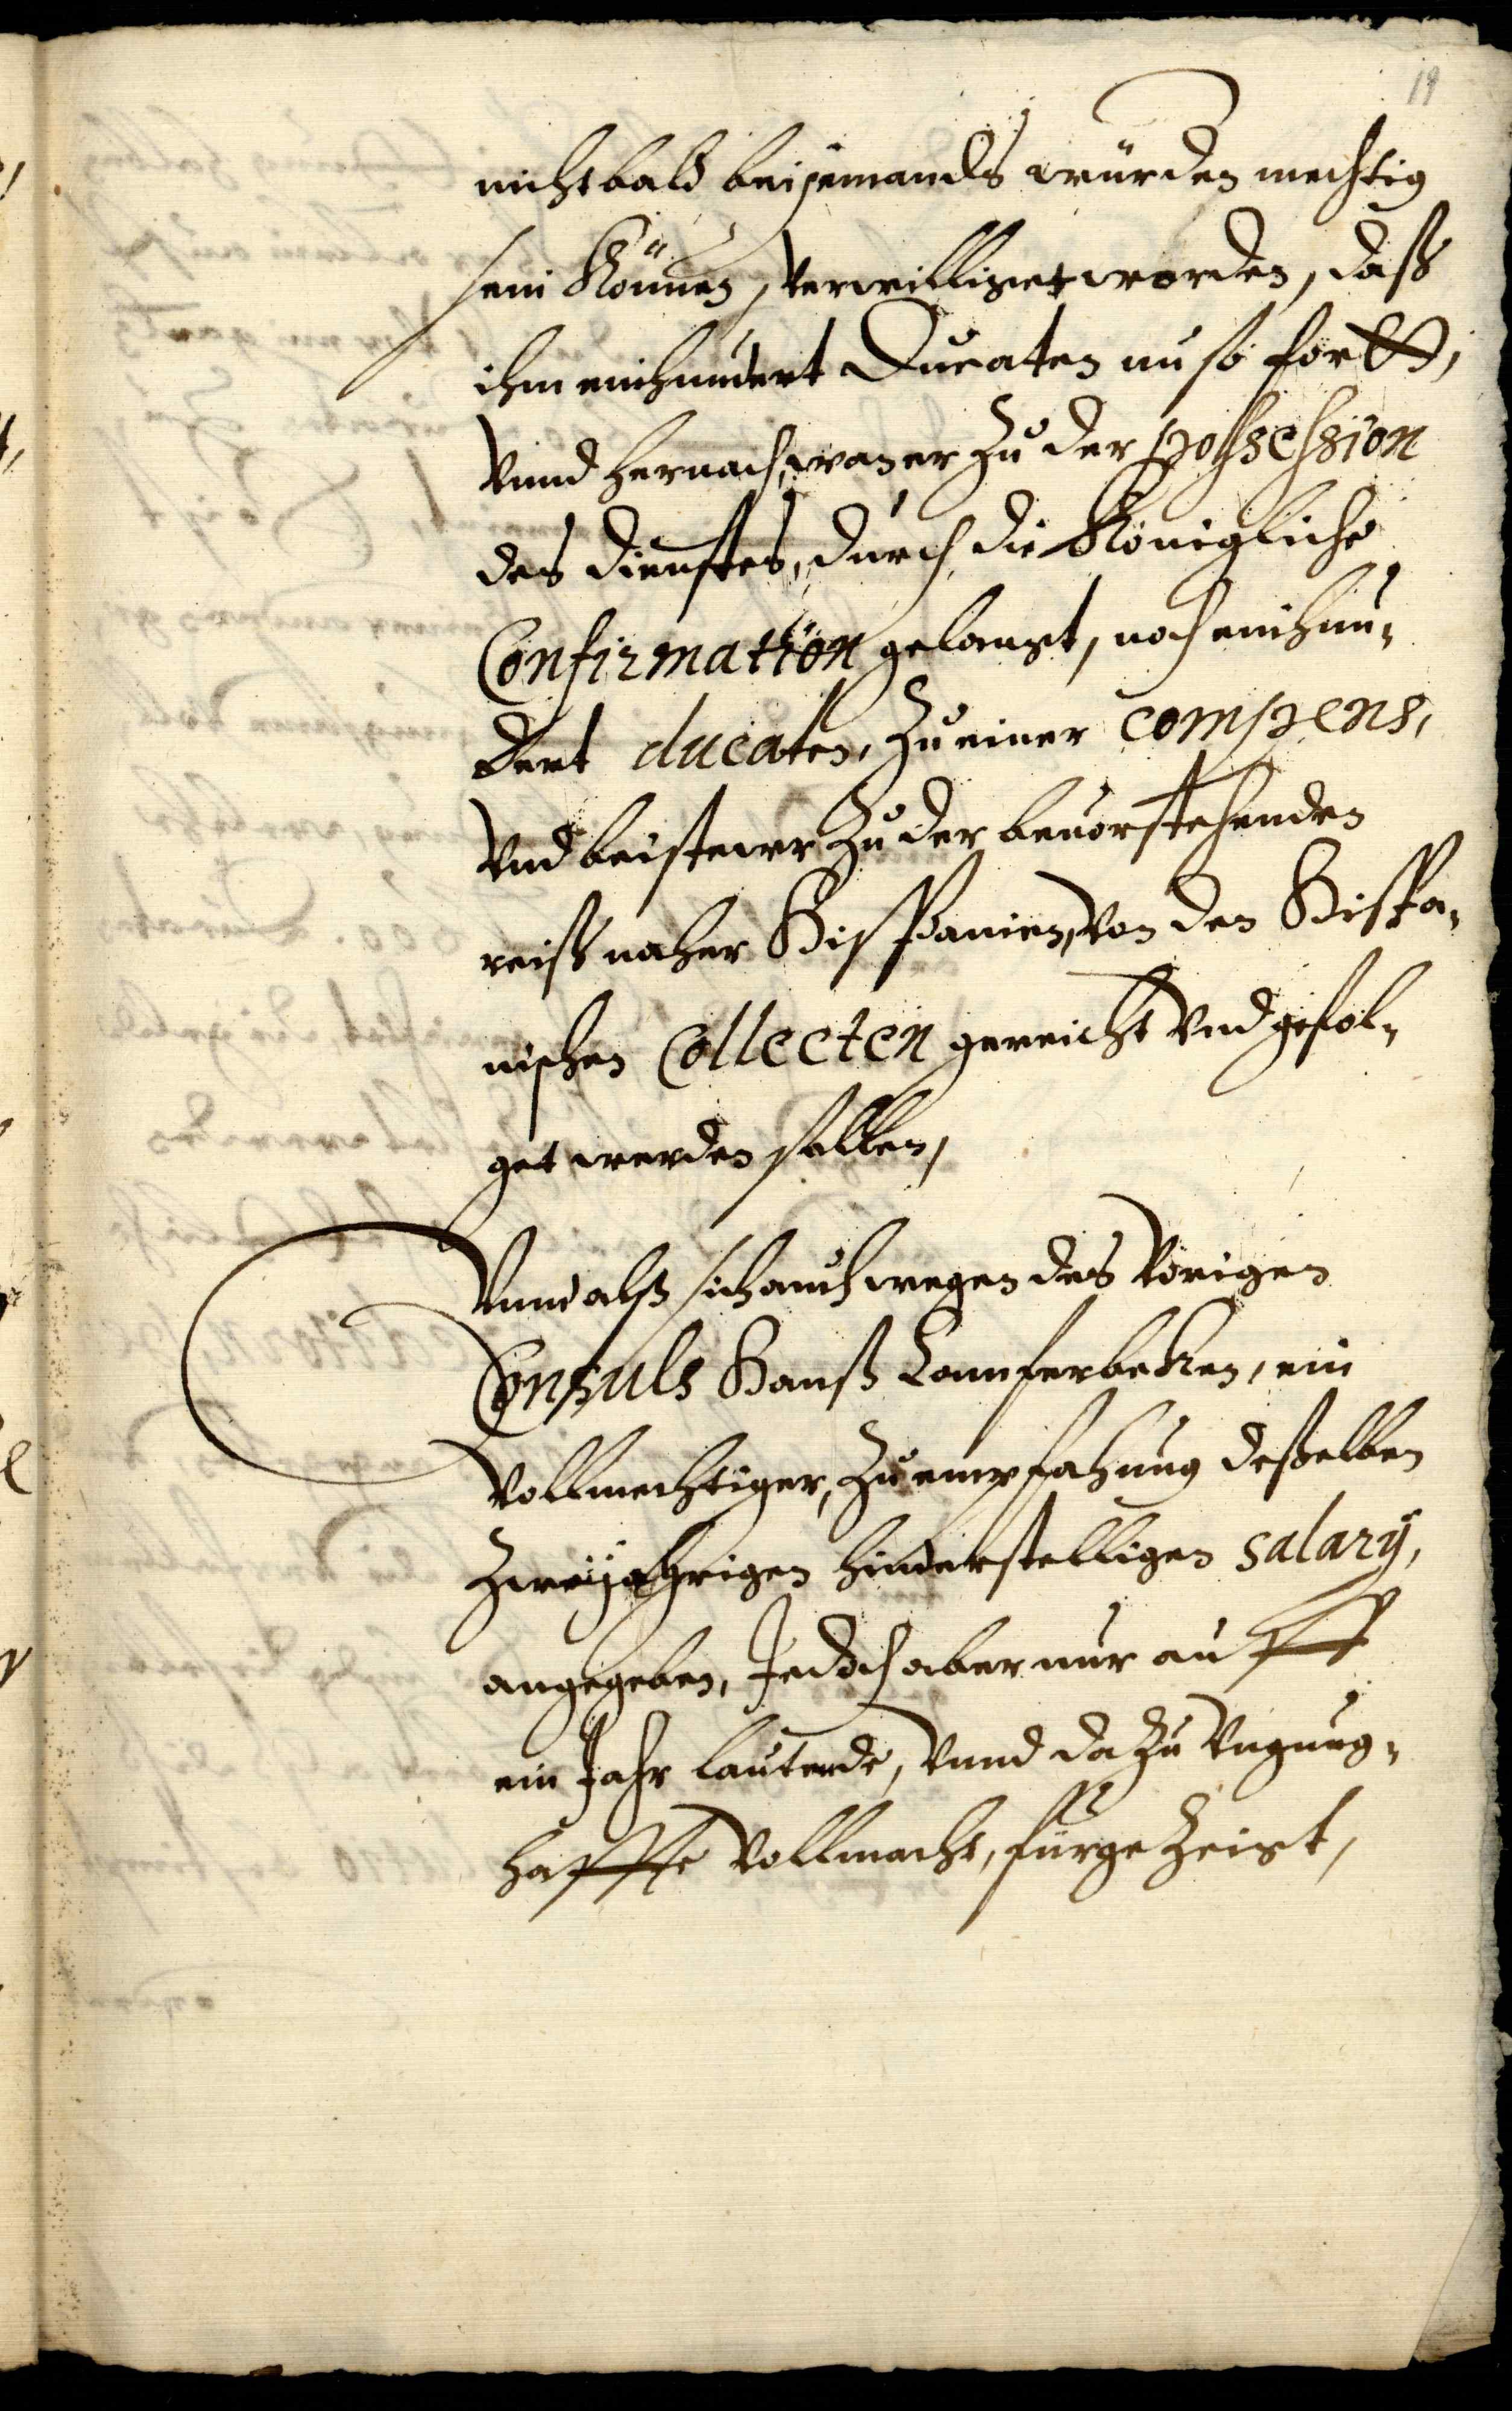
nicht bald bei jemands würden mechtig
sein Können, verwilliget worden, daß
ihm einhundert Ducaten in so fortt,
Vnnd herauf wan er Zu der possession
des dienstes, durch die Königliche
Confirmation gelangt, noch einhun¬
dert ducaten, Zu einer compens,
Vnd beistewr Zu der beuorstehenden
reiß naher Hispanien, Von den Hispa¬
nischen collecten gereicht Vnd gefol¬
get werden sollen,
Vnnd alß sich auch wegen des Vorigen
Consuls Hans Camferbeken, ein
Vollmechtiger, Zu empfahung deßelben
Zweijahrigen hinderstelligen salarij,
angegeben, Jedoch aber nur auff
ein Jahr lautende, Vnnd dazu Vngnug¬
haffte Vollmacht, fürgezeigt,
